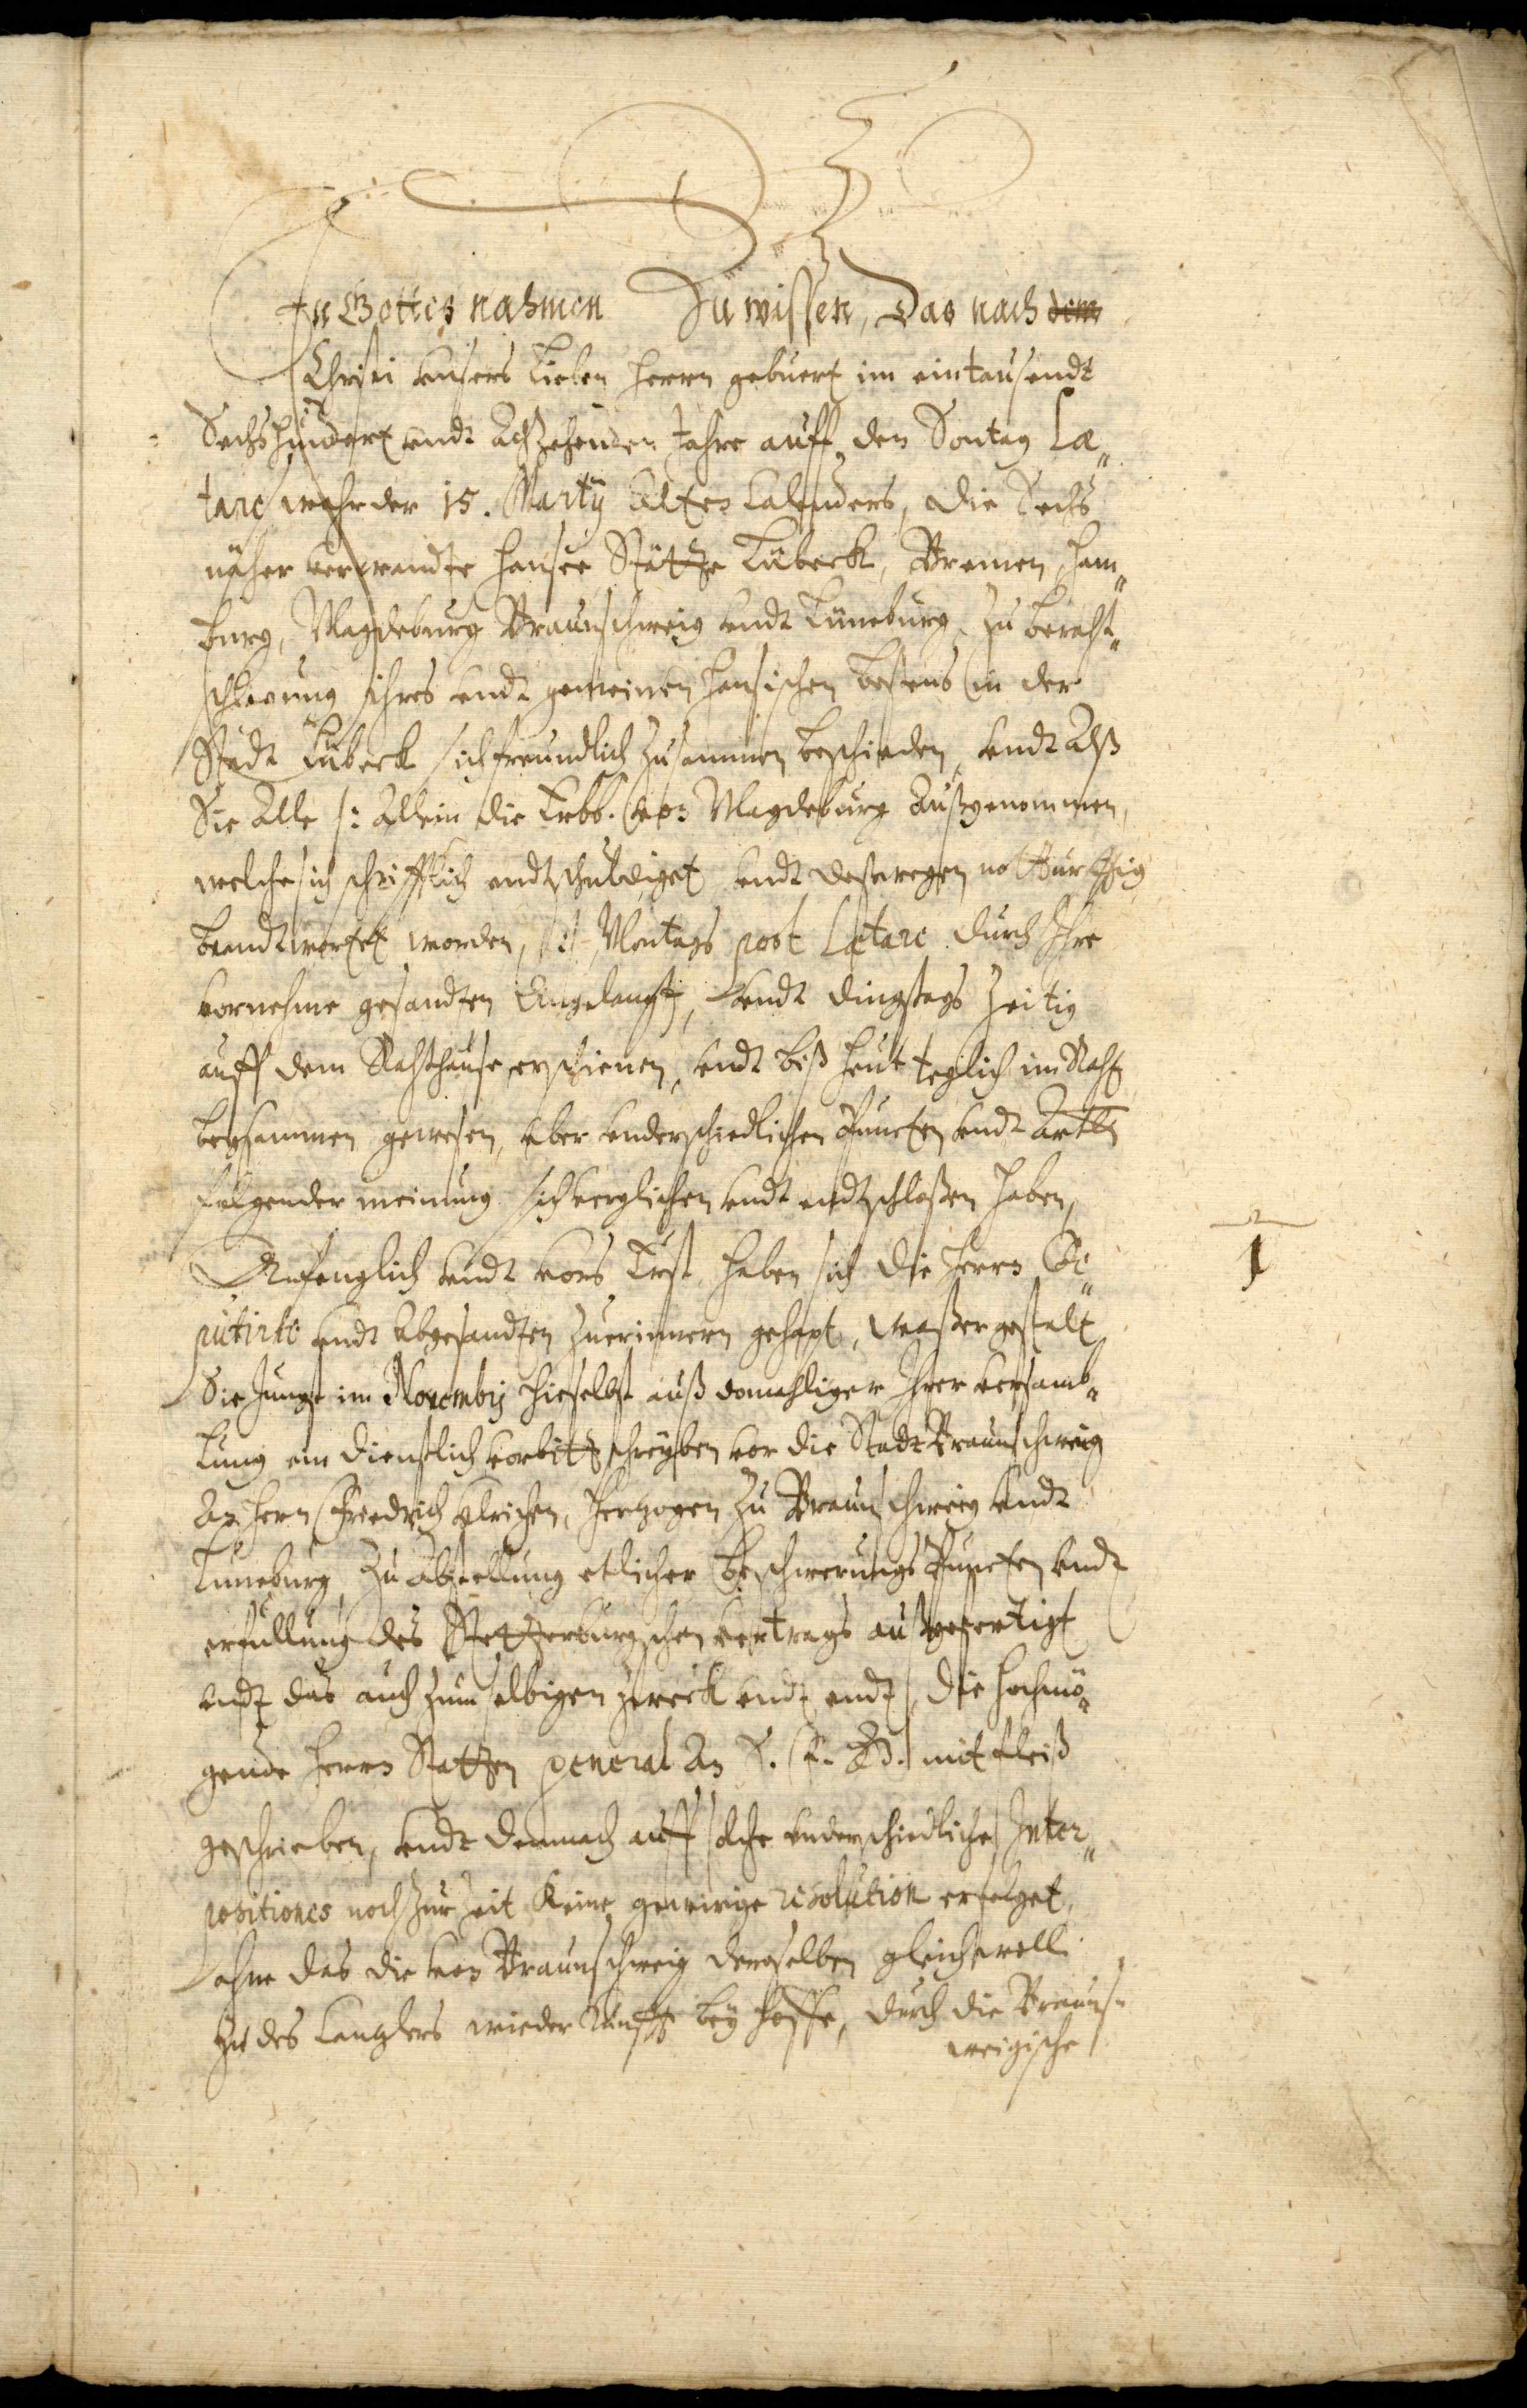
In Gottes nahmen Zu wissen, Das nach dem
Christi vnsers Lieben herrn gebuert im eintausendt
Sechshundert vndt Achzehenden Jahre auff den Sontag Lae¬
tare / wahr der 15. Martij Alten Calenders, die Sechs
näher verwandte hansee Stätte Lübeck, Bremen, Ham¬
burg, Magdeburg Braunschweig vndt Lüneburg, zu beraht¬
schlagung ihres vndt gemeinen hansischen bestens in der
Stadt Lübeck sich freundlich zusammen beschieden, vndt Alß
Sie Alle /: Allein die Erbb. von Magdeburg Außgenommen,
welche sich schrifftlich endtschuldiget vndt deßwegen notturfftig
beandtwortet worden, :/ Montags post Laetare durch Ihre
vornehme gesandten Angelangt, vndt dingstags zeitig
auff dem Rahthause erschienen, vndt biß heut teglich im Raht
beysammen gewesen, vber vnderschiedlichen Puncten vndt Articuln
folgender meinung sich verglichen vndt endtschloßen haben,
Anfenglich vndt vors Erst haben sich die herrn De¬
putirte vndt Abgesandten zuerinnern gehapt, weßer gestalt
Sie jungst im Novembri hieselbst auß domahliger Ihrer versamb¬
lung ein dienstlich vorbitt schreijben vor die Stadt Braunschweig
An hern Friedrich Vlrichen, herzogen zu Braunschweig vndt
Luneburg, zu Abstellung etlicher beschwerungs Puncten vndt
erfullung des Stetterburgschen vertrags außgefertigt
vndt das auch zum selbigen zweck vndt endt, die hochmö¬
gende herrn Statten General An S. F. G. mit fleiß
geschrieben, vndt demnach auff solche vnderschiedliche Inter¬
positiones noch zur zeit keine gewirige resolution erfolget,
ohne das die von Braunschweig deroselben gleichwoll
zu des Cantzlers wiederkunftt beij hoffe, durch die Brauns¬
weigische
1
